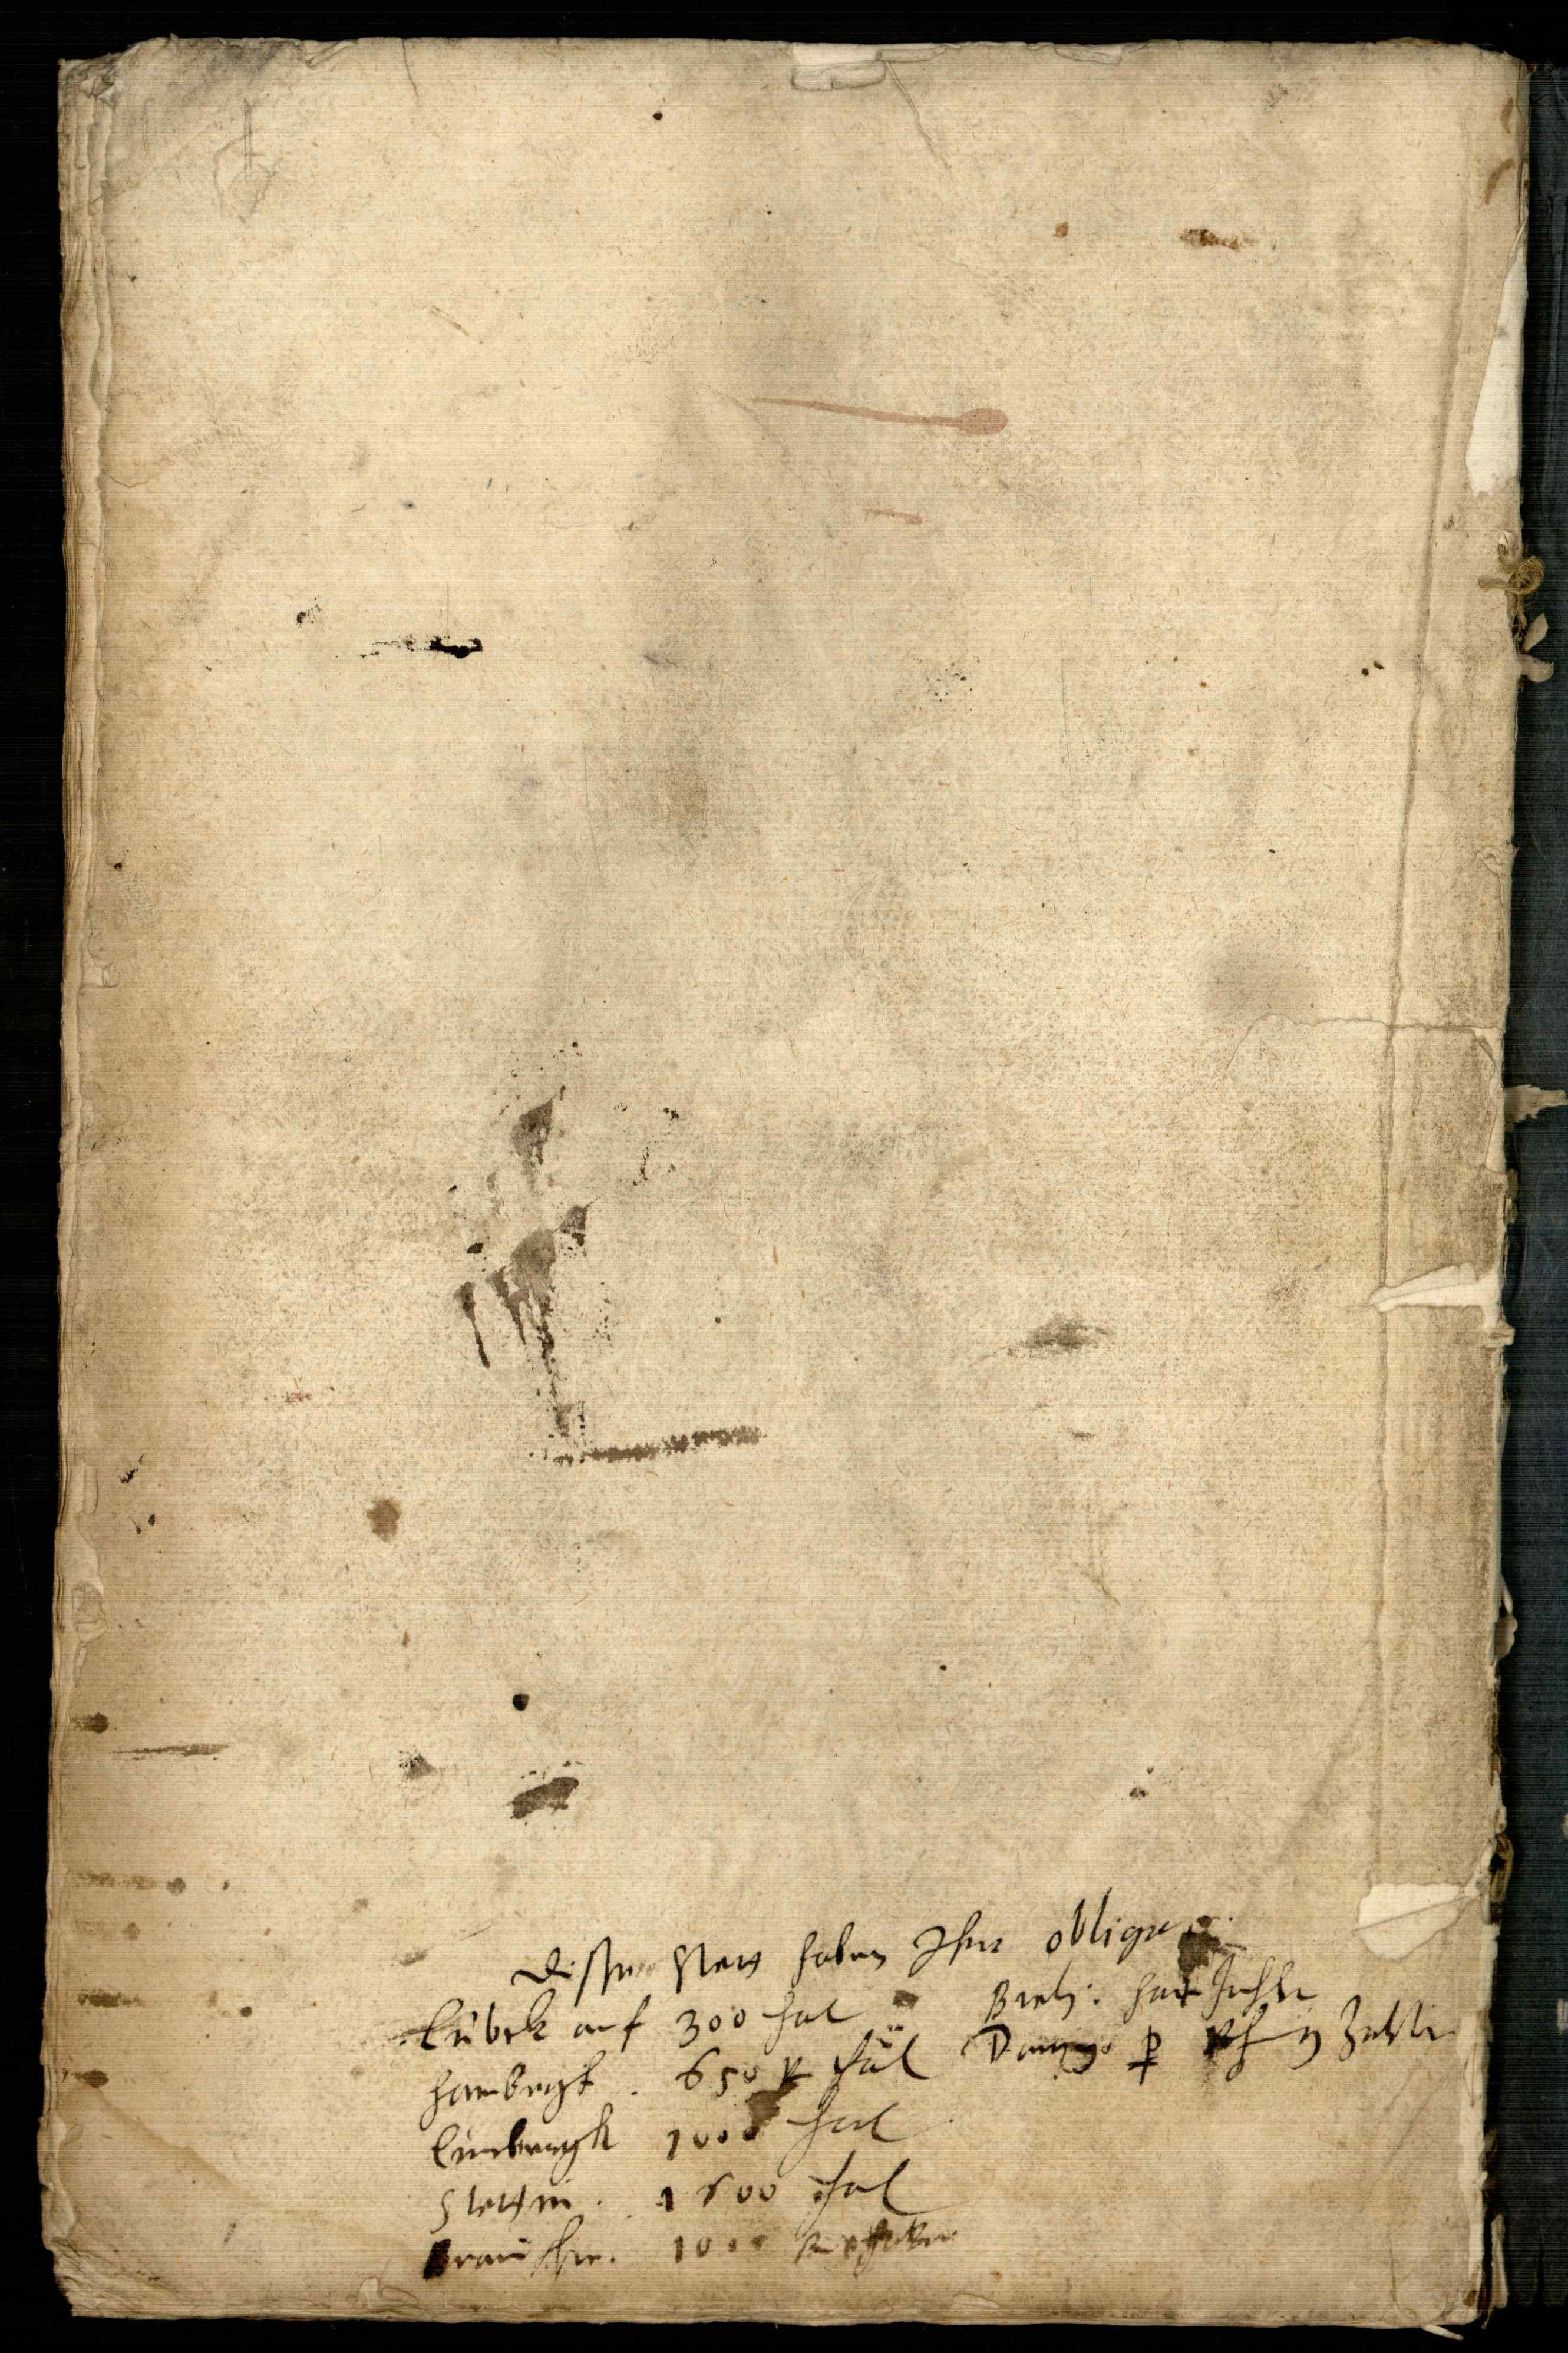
disse Stett haben Ihr obliga
Lubek auf 300 hal
hamburgk 650 p fäl
Lunburgk 1000 hal
Stettin 1600 hal
Braunschw. 1000 Rhthaler
Bieln: hat zahlt
Danzig pro Pfn Zahlt
